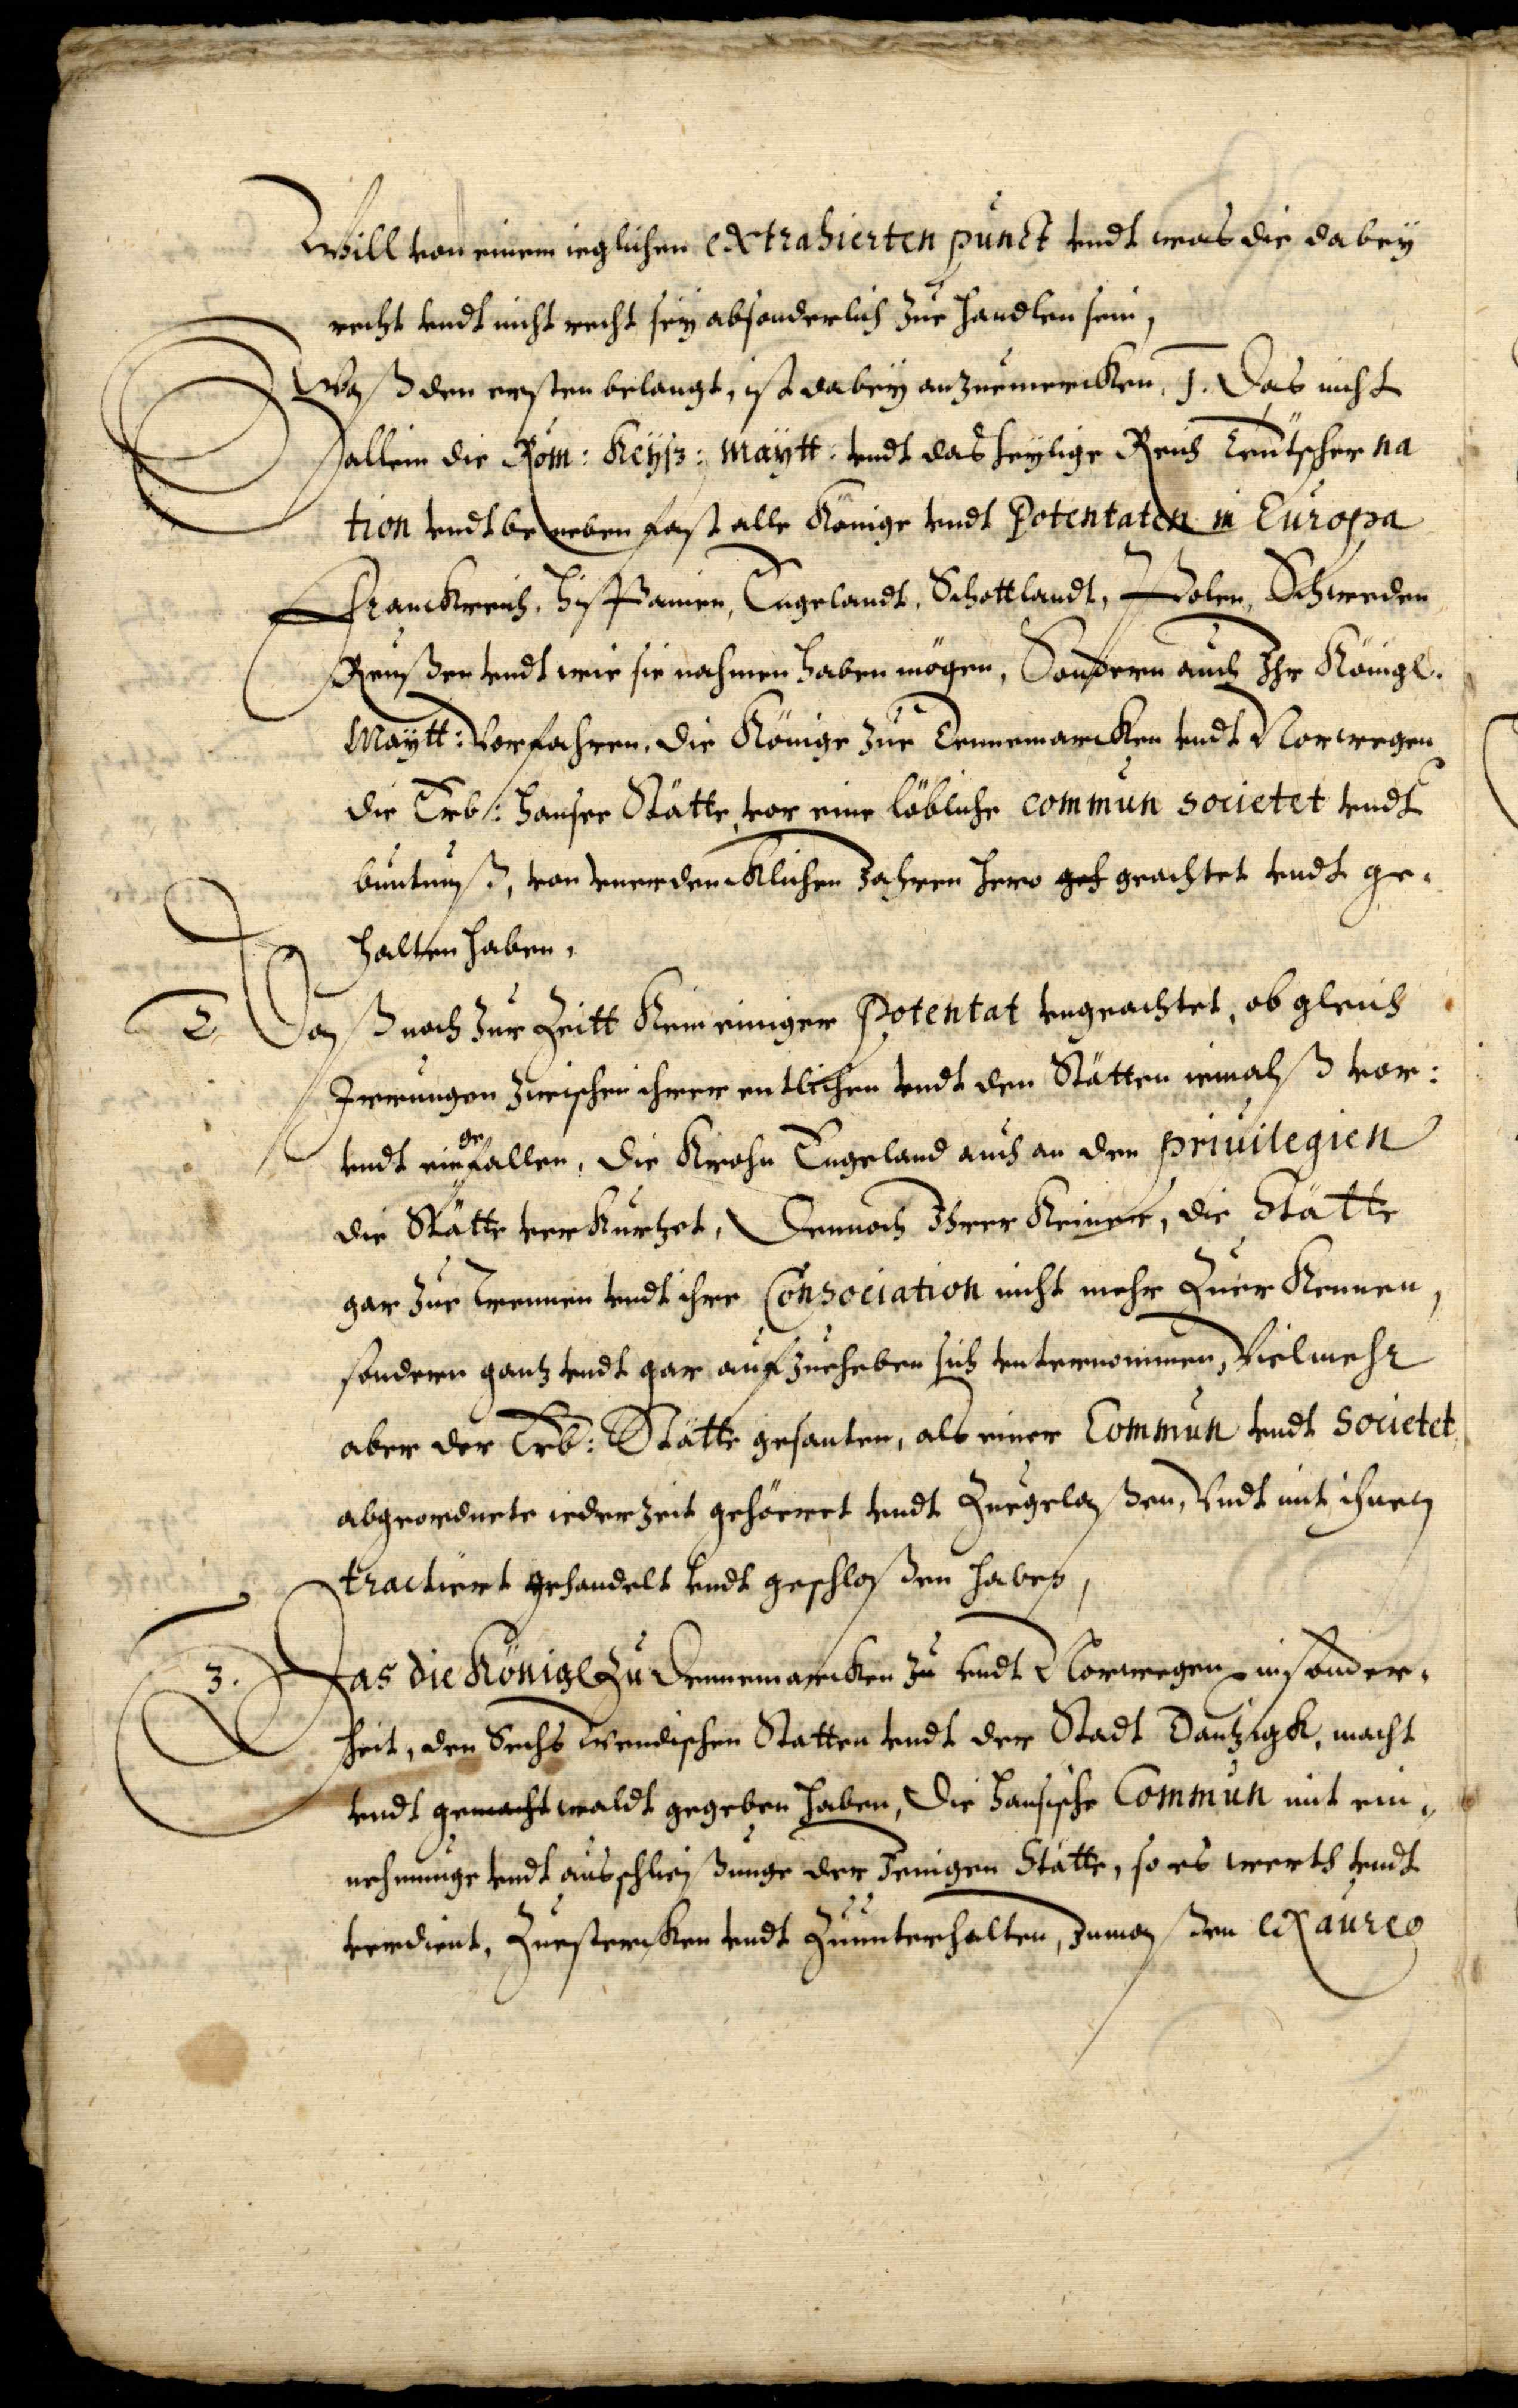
2
Will von einem ieglichen extrahierten punct vndt was die dabeij
recht vndt nicht recht seij absonderlich zue handlen sein,
Waß den ersten belangt, ist dabeij anzuemercken, 1. das nicht
allein die Rom: Keijsz: Maijtt: vndt das heijlige Reich Teutscher na¬
tion vndt beneben fast alle Könige vndt Potentaten in Europa
Franckreich, Hispanien, Engelandt, Schottlandt, Polen, Schweden
Reußen vndt wie sie nahmen Haben mögen, Sondern auch Ihr Königl.
Maijtt: Vorfahren, die Könige zue Dennemarcken vndt Norwegen
die Erb: Hansee Stätte vor eine löbliche commun societet vndt
buntnuß, von vnerdencklichen Jahren hero geh geachtet vndt ge¬
halten haben,
Daß noch zur Zeitt Kein einiger Potentat vngeachtet, ob gleich
Irrungen zwischen ihrer entlichen vndt den Stätten iemalß vor:
vndt eingefallen, die Krohn Engeland auch an den priuilegien
die Stätte verkurtzet, Dennoch Ihrer keiner, die Stätte
gar zue Trennen vndt ihre Consociation nicht mehr zuerkennen,
sondern gantz vndt gar aufzueheben sich vnternommen, Vielmehr
aber der Erb: Stätte gesanten, als einer Commun vndt Societet
abgeordnete iederzeit gehöeret vndt zuegelaßen, Vndt mit ihnen
tractiert gehandelt vndt geschloßen haben,
Das die Königl zu Dennemarcken zu vndt Norwegen p insonder¬
heit, den Sechs Wendischen Statten vndt der Stadt Dantzigk, macht
vndt gemacht waldt gegeben haben, die Hansische Commun mit ein¬
nehmunge vndt ausschließunge der Jenigen Stätte, so es werth vndt
verdient, zuestercken vndt zuunterhalten, Inmaßen ex aureo
3.
